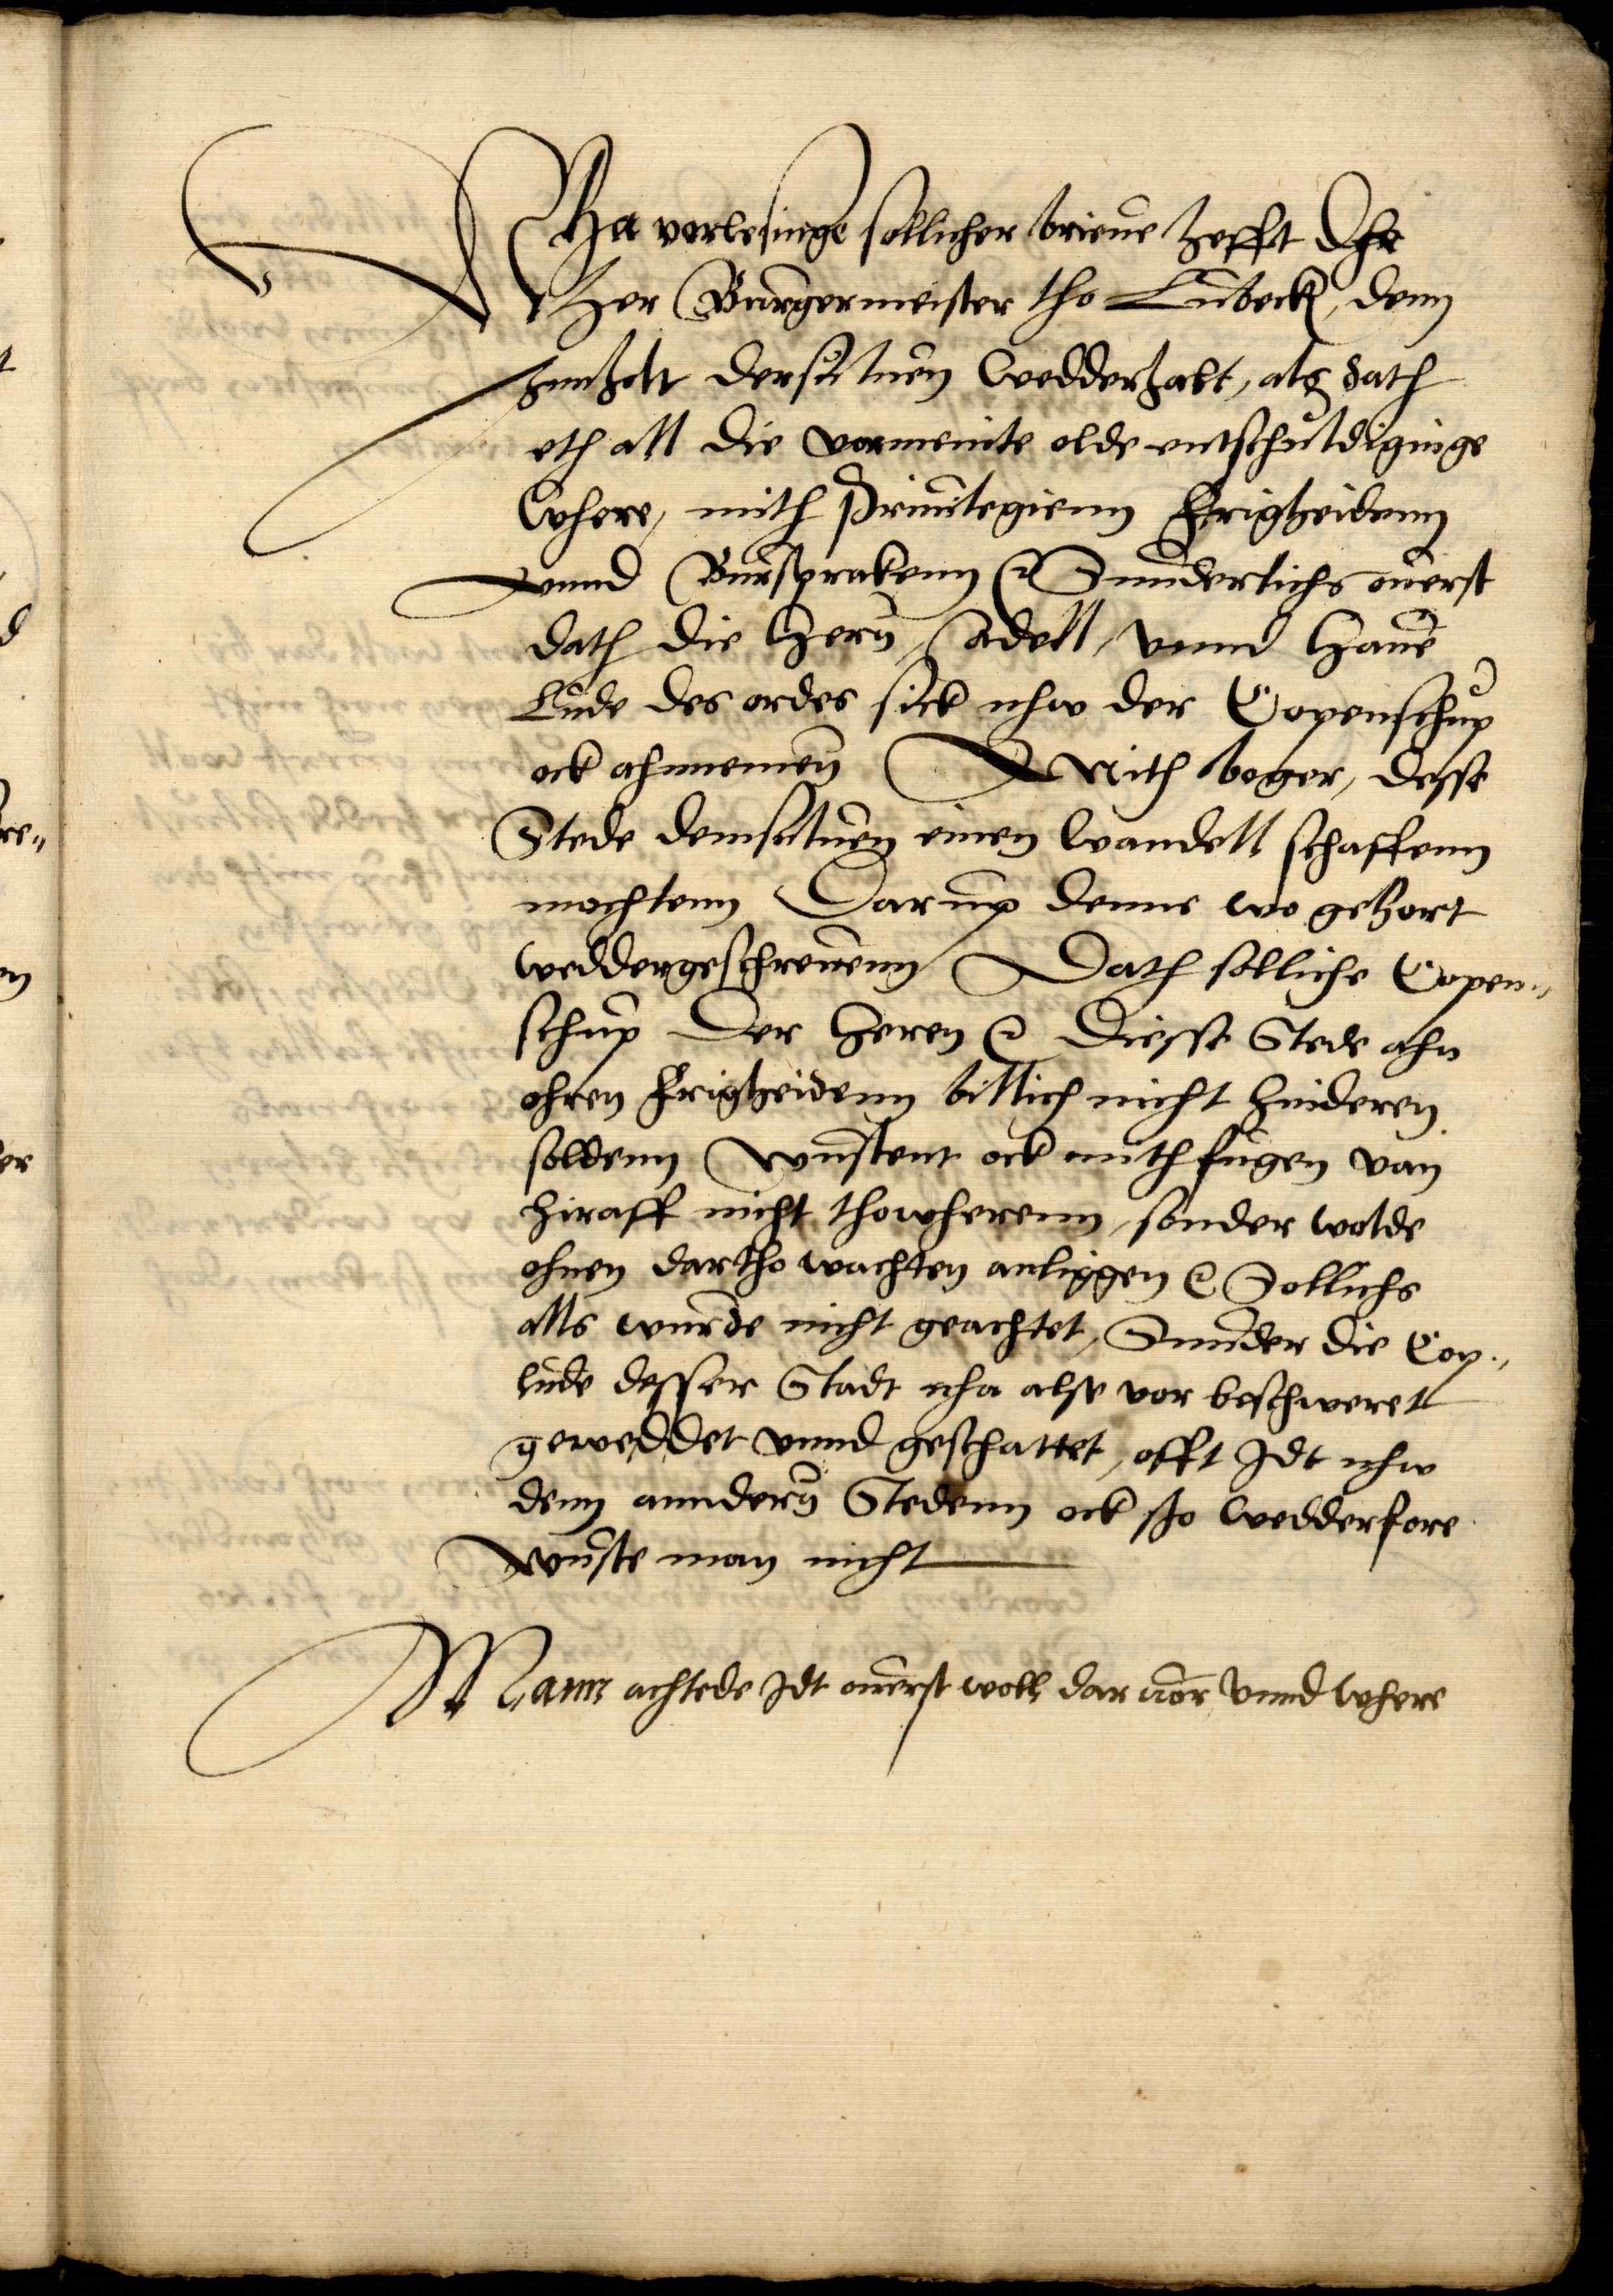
Nha vorlesinge sollicher brieue Hefft dhe
Her Burgermeister tho Lubeck, denn
Innholt dersuluen wedderhalt, als dath
eth all die vormeinte olde entschuldiginge
where, mith Priuilegienn Frigheidenn
vnnd Bursprakenn etc Sunderlichs ouerst
dath die Hern Adell, vnnd Haue
Lude des ordes sick nhw der Copenschup
ock ahnnemen Mith boger, desse
Stede demsuluen einen wandell schaffenn
mochtenn Darup denne wo gehort
weddergeschreuenn Dath solliche Copen¬
schup der Heren etc Diesse Stede ahn
ohren Frigheidenn billich nicht hinderen
soldenn wusten ock mithfugen van
hiraff nicht thowherenn, sonder wolde
ohnen dartho wachten anliggen etc Sollichs
alls wurde nicht geachtet, Sunder die Cop¬
lude desser Stadt nha alse vor beschweret
geweddet vnnd geschattet, offt Idt nhw
denn andern Steden ock ßo wedderfore
Wuste man nicht
Mann achtede Idt ouerst woll dar uor vnnd where
